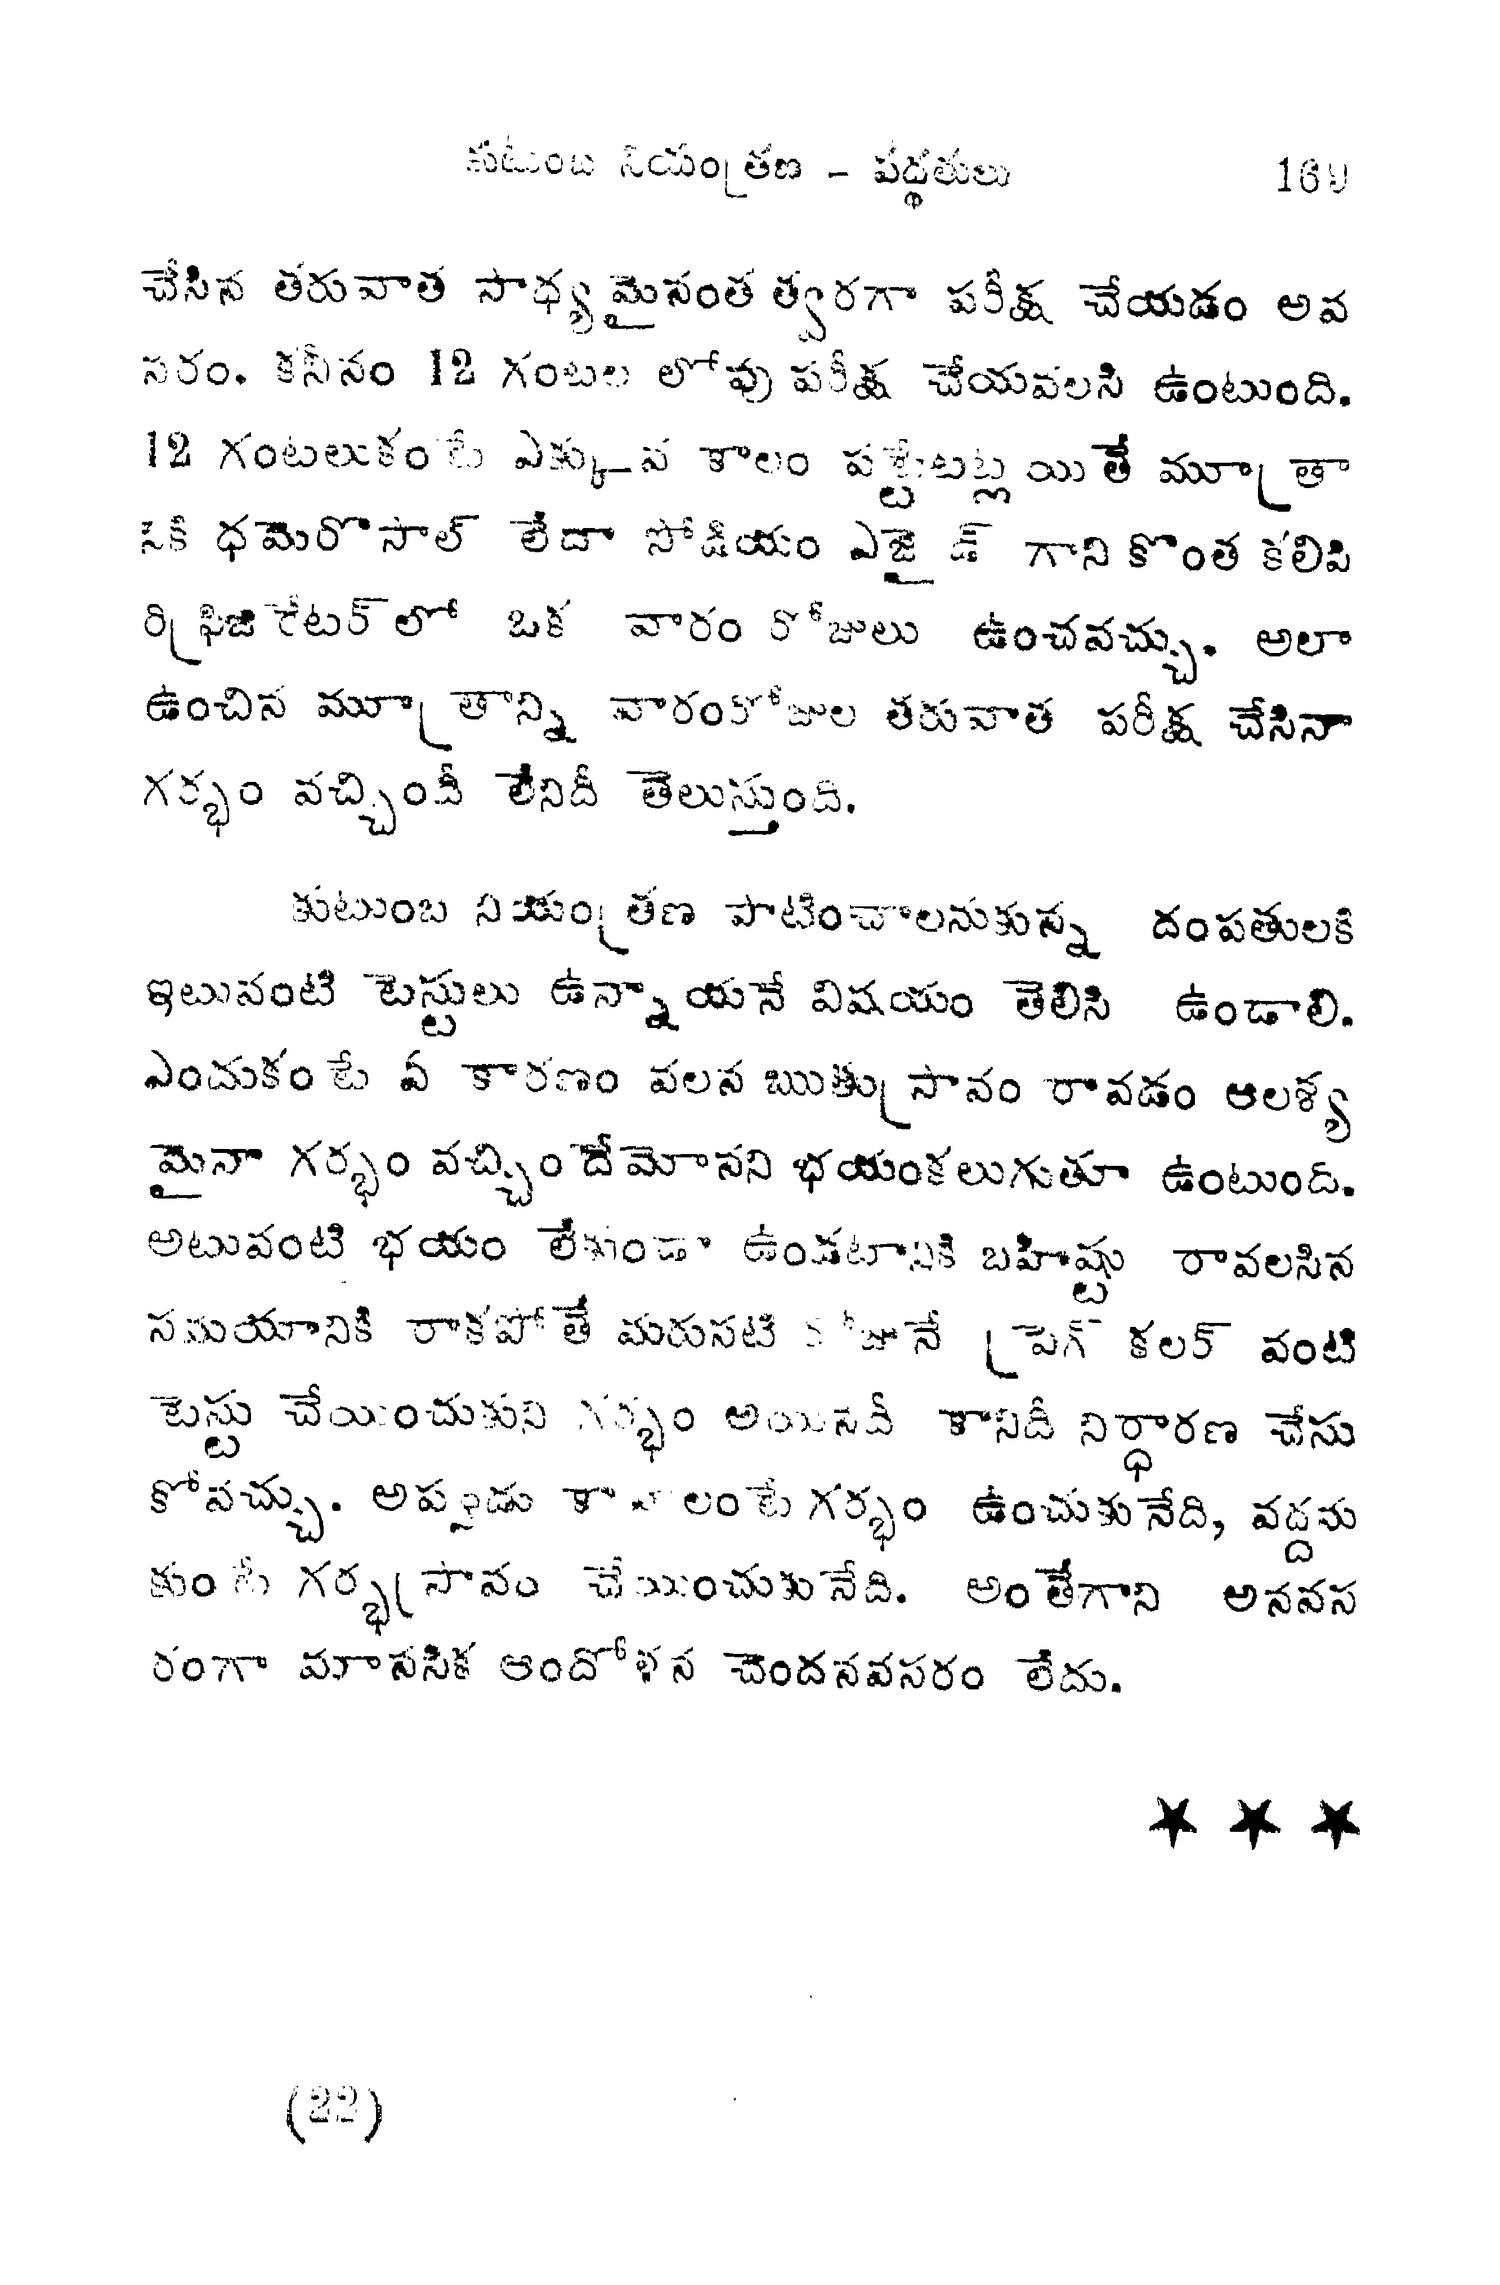చేసిన తరువాత సాధ్యమైనంత త్వరగా పరీక్ష చేయడం అవసరం. కనీసం 12 గంటల లోపు పరీక్ష చేయవలసి ఉంటుంది. 12 గంటలుకంటే ఎక్కువ కాలం పట్టేటట్లయితే మూత్రానికి ధమెరొనాల్ లేదా సోడియం ఎజైడ్ గానికొంత కలిపి రిఫ్రిజిరేటర్‌లో ఒకవారం రోజులు ఉంచవచ్చు. అలా ఉంచిన మూత్రాన్ని వారంరోజుల తరువాత పరీక్ష చేసినా గర్భం వచ్చిందీ లేనిదీ తెలుస్తుంది.

కుటుంబ నియంత్రణ పాటించాలనుకున్న దంపతులకి ఇటువంటి టెస్టులు ఉన్నాయనే విషయం తెలిసి ఉండాలి. ఎందుకంటే ఏ కారణం వలన ఋతుస్రావం రావడం ఆలశ్యమైనా గర్భంవచ్చిందేమోనని భయంకలుగుతూ ఉంటుంది. అటువంటి భయం లేకుండా ఉండటానికి బహిష్టు రావలసిన సమయానికి రాకపోతే మరుసటి రోజునే ప్రెగ్ కలర్ వంటి టెస్టు చేయించుకుని గర్భం అయినదీ కానిదీ నిర్ధారణ చేసుకోవచ్చు. అప్పుడు కావాలంటే గర్భం ఉంచుకునేది, వద్దనుకుంటే గర్భస్రావం చేయించుకునేది. అంతేగాని అనవసరంగా మానసిక ఆందోళన చెందనవసరం లేదు.

* * *